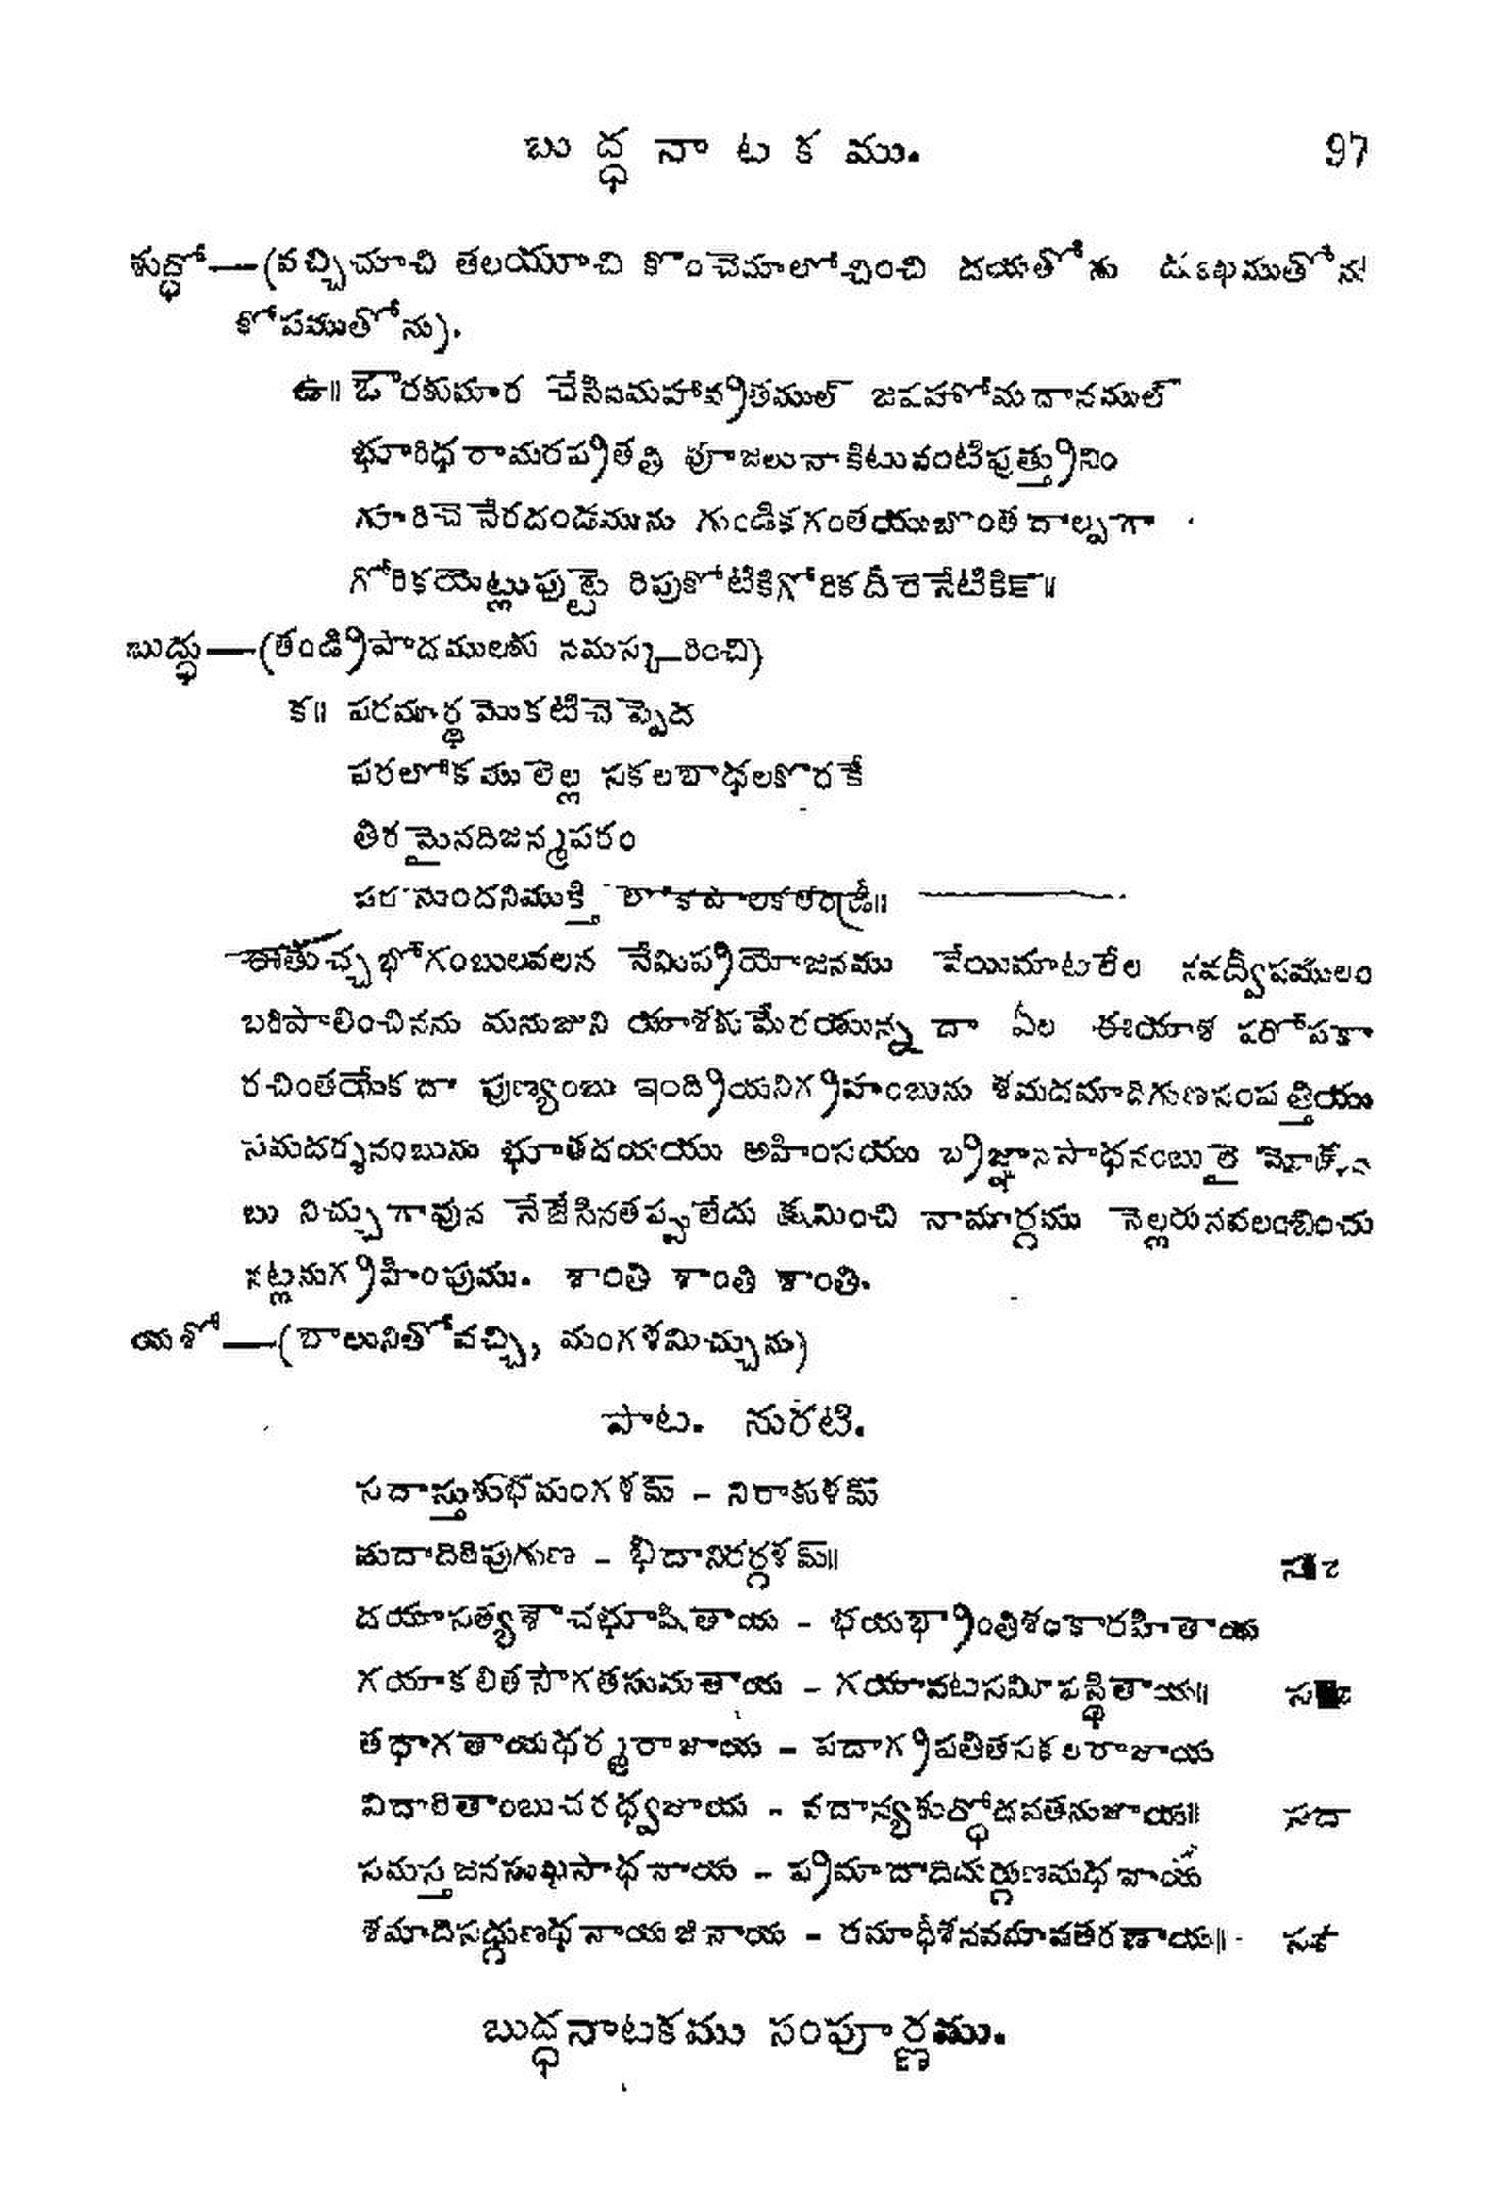శుద్ధో - (వచ్చిచూచి తలయూచి కొంచెమాలోచించి దయతోను దఃఖముతోను కోపముతోను).

ఉ॥ ఔరకుమార చేసినమహావ్రాతముల్ జపహోమదానముల్
భూరిధరామరప్రతతి పూజలునాకిటువంటిపుత్తునిం
గూరిచెనేరదండమును గుండికగంతయుబొంతదాల్పగా
గోరికయెట్లుప్పు రిపుకోటికిగోరికదీరెనేటికి౯ 

బుద్ధు — (తండ్రిపొదములకు నమస్కరించి)

క॥ పరమార్థమొకటిచెప్పెద
పరలోకములెల్ల సకలబాధలకొరకే
తిరమైనదిజన్మపరం
పరమెందనిముక్తి లోకపాలకతండ్రీ॥ 

ఈతుచ్చ భోగంబులవలన నేమిప్రయోజనము వేయిమాటలేల నవద్వీపములంబరిపాలించినను మనుజుని యాశకుమేరయున్నదా 
ఏల ఈయాశ పరోపకారచింతయేకదా పుణ్యంబు ఇంద్రియనిగ్రహంబును శమదమాదిగుణసంపత్తియు సమదర్శనంబును భూతదయయు అహింసయు బ్రజ్ఞానసాధనంబురై మోక్షంబు నిచ్చుగావున నేజేసినతప్పులేదు క్షమించి నామార్గము నెల్లరునవలంబించునట్లను
గ్రహింపుము. శాంతి శాంతి శాంతి.

యశో — (బాలునితోవచ్చి, మంగళమిచ్చును)

సదాస్తుకుశుభమంగళమ్ - నిరాకుళమ్ 
మదాదిరిపుగుణ - భీదానిరర్గళమ్॥ ॥సదా॥ 
దయాసత్యశౌచభూషితాయ - భయభాంతిశంకారహితాయ
గయాకలిత సౌగతసుమతాయ - గయావట సమీపస్థితాయ॥ ॥సదా॥ 
తధాగతాయధర్మరాజాయ - పదాగ్రపతితసకలరాజాయ
విదారితాంబుచరధ్వజూయ - వదాన్యశుద్ధోదవతనుజాయ॥ ॥సదా॥ 
సమస్తజననుఖసాధనాయ - ప్రమాదాదిదుర్గుణమధవాయ
శమాదిసద్గుణధనాయజినాయ- రమాధీశనవమావతరణాయ॥ ॥సదా॥